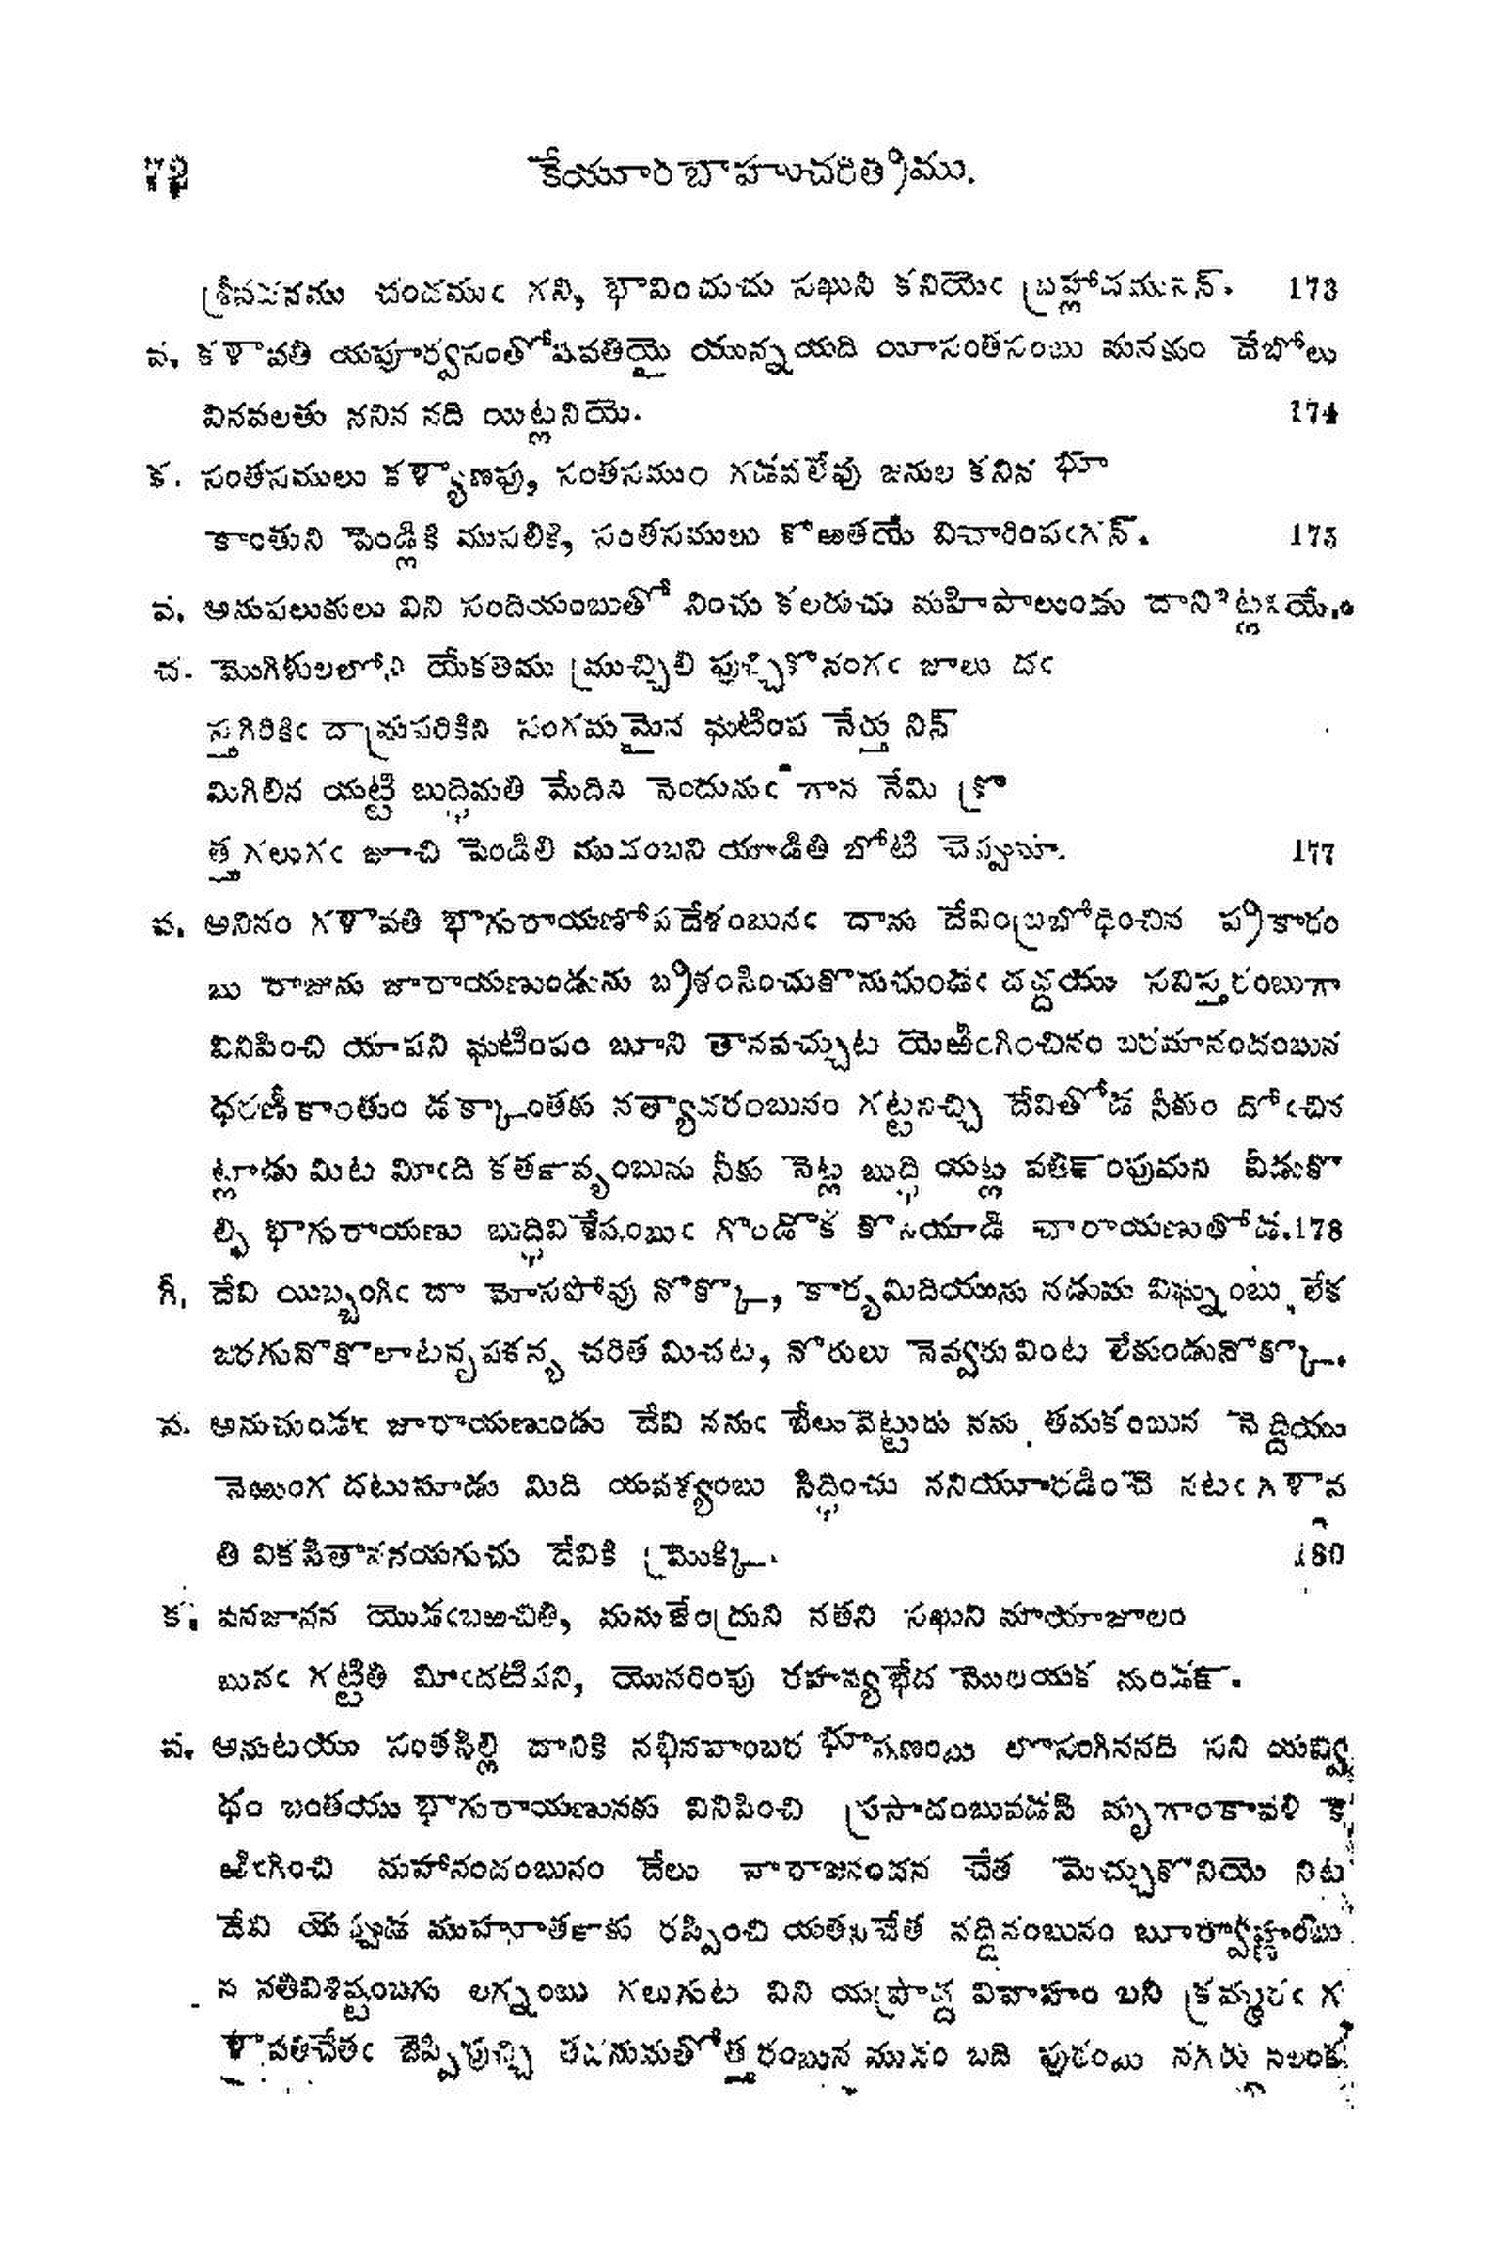శ్రీవదనము చందముఁ గని, భావించుచు సఖునికనియెఁ బ్రహ్లాదమునన్.
వ. కళావతి యపూర్వసంతోషవతియై యున్నయది యీసంతసంబు మనకుం దేబోలు
 వినవలతు ననిన నది యిట్లనియె.
క. సంతసములు కళ్యాణపు, సంతసముం గడవలేవు జనుల కనిన భూ
 కాంతుని పెండ్లికి ముసలికి, సంతసములు కొఱతయే విచారింపఁగన్.
వ. అనుపలుకులు విని సందియంబుతో నించు కలరుచు మహిపాలుండు దాని కిట్లనియె.
చ. మొగిళులలోని యేకతము మ్రుచ్చిలి పుచ్చుకొనంగఁ జాలు దఁ
 స్తగిరికిఁ దామ్రపరికిని సంగమమైన ఘటింప నేర్తు నిన్
 మిగిలిన యట్టి బుద్ధిమతి మేదిని నెందునుఁ గాన నేమి క్రొ
 త్తగలుగఁ జూచి పెండిలి ముదంబని యాడితి బోటి చెప్పుమా.
వ. అనినం గళావతి భాగురాయణోపదేశంబునఁ దాను దేవింబ్రబోధించిన ప్రకారం
 బు రాజును జారాయణుండును ప్రశంసించుకొనుచుండఁ దద్దయు సవిస్తరంబుగా
 వినిపించి యాపని ఘటింపం బూని తానవచ్చుట యెఱింగించినం బరమానందంబున
 ధరణీకాంతుం డక్కాంతకు నత్యాదరంబునం గట్టనిచ్చి దేవితోడ నీకుం దోఁచిన
 ట్లాడు మిట మీఁది కర్తవ్యంబును నీకు నెట్ల బుద్ధి యట్ల వర్తింపుమని వీడుకొ
 ల్పి భాగురాయణు బుద్ధివిశేషంబుఁ గొండొక కొనియాడి చారాయణుతోడ.
గీ. దేవి యిబ్భంగిఁ దా మోసపోవు నొక్కొ, కార్య మిదియును నడుమ విఘ్నంబు లేక
 జరగునొకొ లాటనృపకన్యచరిత మిచట, నొరులు నెన్వరు వింట లేకుండునొక్కొ.
వ. అనుచుండఁ జారాయణుండు దేవి ననుఁ బేలువెట్టుదు నను తమకంబున నెద్దియు
 నెఱుంగ దటుసూడు మిది యవశ్యంబు సిద్ధించు ననియూరడించె నటఁ గళావ
 తి వికసితాననయగుచు దేవికి మ్రొక్కి.
క. వనజానన యొడఁబఱచితి, మనుజేంద్రుని నతని సఖుని మాయాజాలం
 బునఁ గట్టితి మీఁదటిపని, యొనరింపు రహస్యభేద మొలయక నుండన్.
వ. అనుటయు సంతసిల్లి దానికి నభినవాంబరభూషణంబు లొసంగిన నది సని యవ్వి
 ధం బంతయు భాగురాయణునకు వినిపించి ప్రసాదంబువడసి మృగాంకావళి కె
 ఱింగించి మహానందంబునం దేలు నారాజనందన చేత మెచ్చుకొనియె నిట
 దేవి యొప్పున ముహూర్తకు రప్పించి యతనిచేత వద్దినంబునం బూర్వాహ్ణంబు
 న నతివిశిష్టంబగు లగ్నంబు గలుగుట విని యప్రొద్ద వివాహం బని క్రమ్మరఁ గ
 ళావతిచేతఁ చెప్పి పుచ్చి తదనుమతోత్తరంబున ముదం బది పురంటు నగరు నలంక